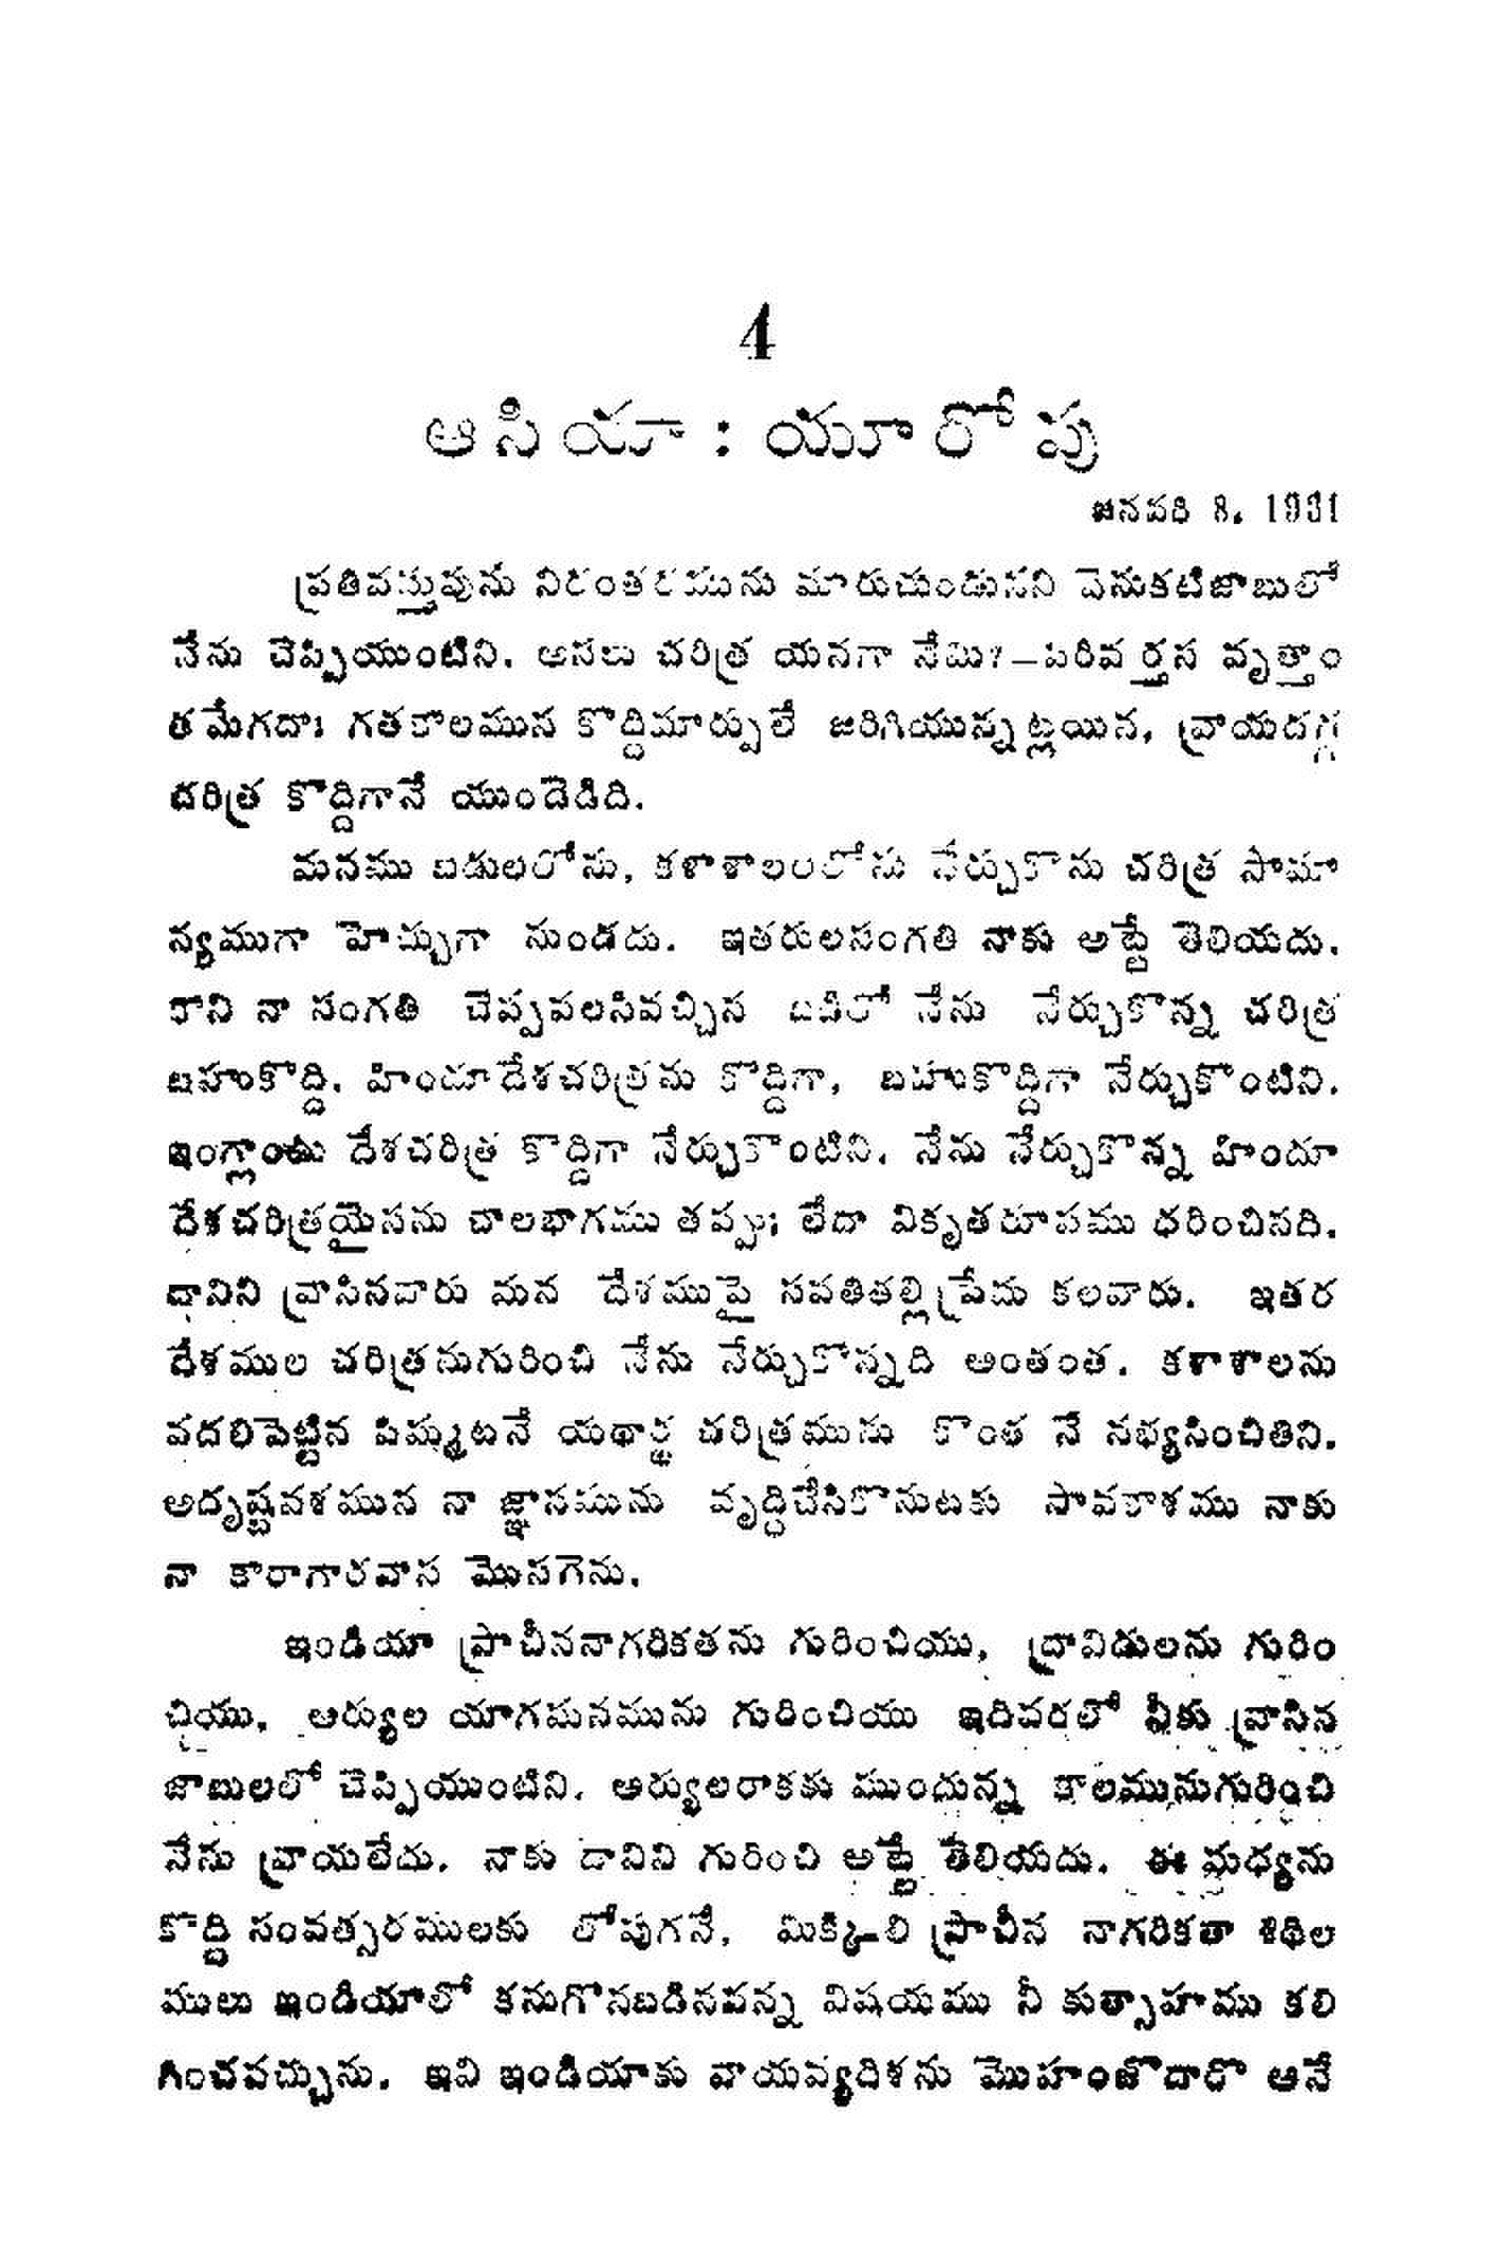4
ఆసియా : యూరోపు

ప్రతివస్తువును నిరంతరమును మారుచుండునని వెనుకటిజాబులో నేను చెప్పియుంటిని. అసలు చరిత్ర యనగా నేమి? — పరివర్తన వృత్తాంతమేగదా! గతకాలమున కొద్ది మార్పులే జరిగియున్నట్లయిన, వ్రాయదగ్గ చరిత్ర కొద్దిగానే యుండెడిది.

మనము బడులలోను, కళాశాలలలోను నేర్చుకొను చరిత్ర సామా న్యముగా హెచ్చుగా నుండదు. ఇతరుల సంగతి నాకు అట్టే తెలియదు. కాని నా సంగతి చెప్పవలసివచ్చిన ఆదిలో నేను నేర్చుకొన్న చరిత్ర బహుకొద్ది, హిందూ దేశచరిత్రను కొద్దిగా, బహుకొద్దిగా నేర్చుకొంటిని. ఇంగ్లాండు దేశ చరిత్ర కొద్దిగా నేర్చుకొంటిని. నేను నేర్చుకొన్న హిందూ దేశచరిత్రయైనను చాల భాగము తప్పు లేదా వికృత రూపము ధరించినది. దానిని వ్రాసినవారు మన దేశముపై సవతితల్లి ప్రేమ కలవారు. ఇతరదేశముల చరిత్రను గురించి నేను నేర్చుకొన్నది అంతంత. కళాశాలను వదలిపెట్టిన పిమ్మటనే యథార్థ చరిత్రమును కొంత నే సభ్యసించితిని. అదృష్టవశమున నా జ్ఞానమును వృద్ధిచేసికొనుటకు సావకాశము నాకు నా కారాగారవాస మొసగెను.

ఇండియా ప్రాచీననాగరికతను గురించియు, ద్రావిడులను గురించియు, ఆర్యుల యాగమనమును గురించియు ఇదివరలో నీకు వ్రాసిన జాబులలో చెప్పియుంటిని. ఆర్యులరాకకు ముందున్న కాలమునుగురించి నేను వ్రాయలేదు. నాకు దానిని గురించి అట్టే తెలియదు. ఈ మధ్యను కొద్ది సంవత్సరములకు లోపుగనే, మిక్కిలి ప్రాచీన నాగరికతా శిథిలములు ఇండియాలో కనుగొనబడినవన్న విషయము నీ కుత్సాహము కలిగించవచ్చును. ఇవి ఇండియాకు వాయవ్యదిశను 'మొహంజొదారొ అనే